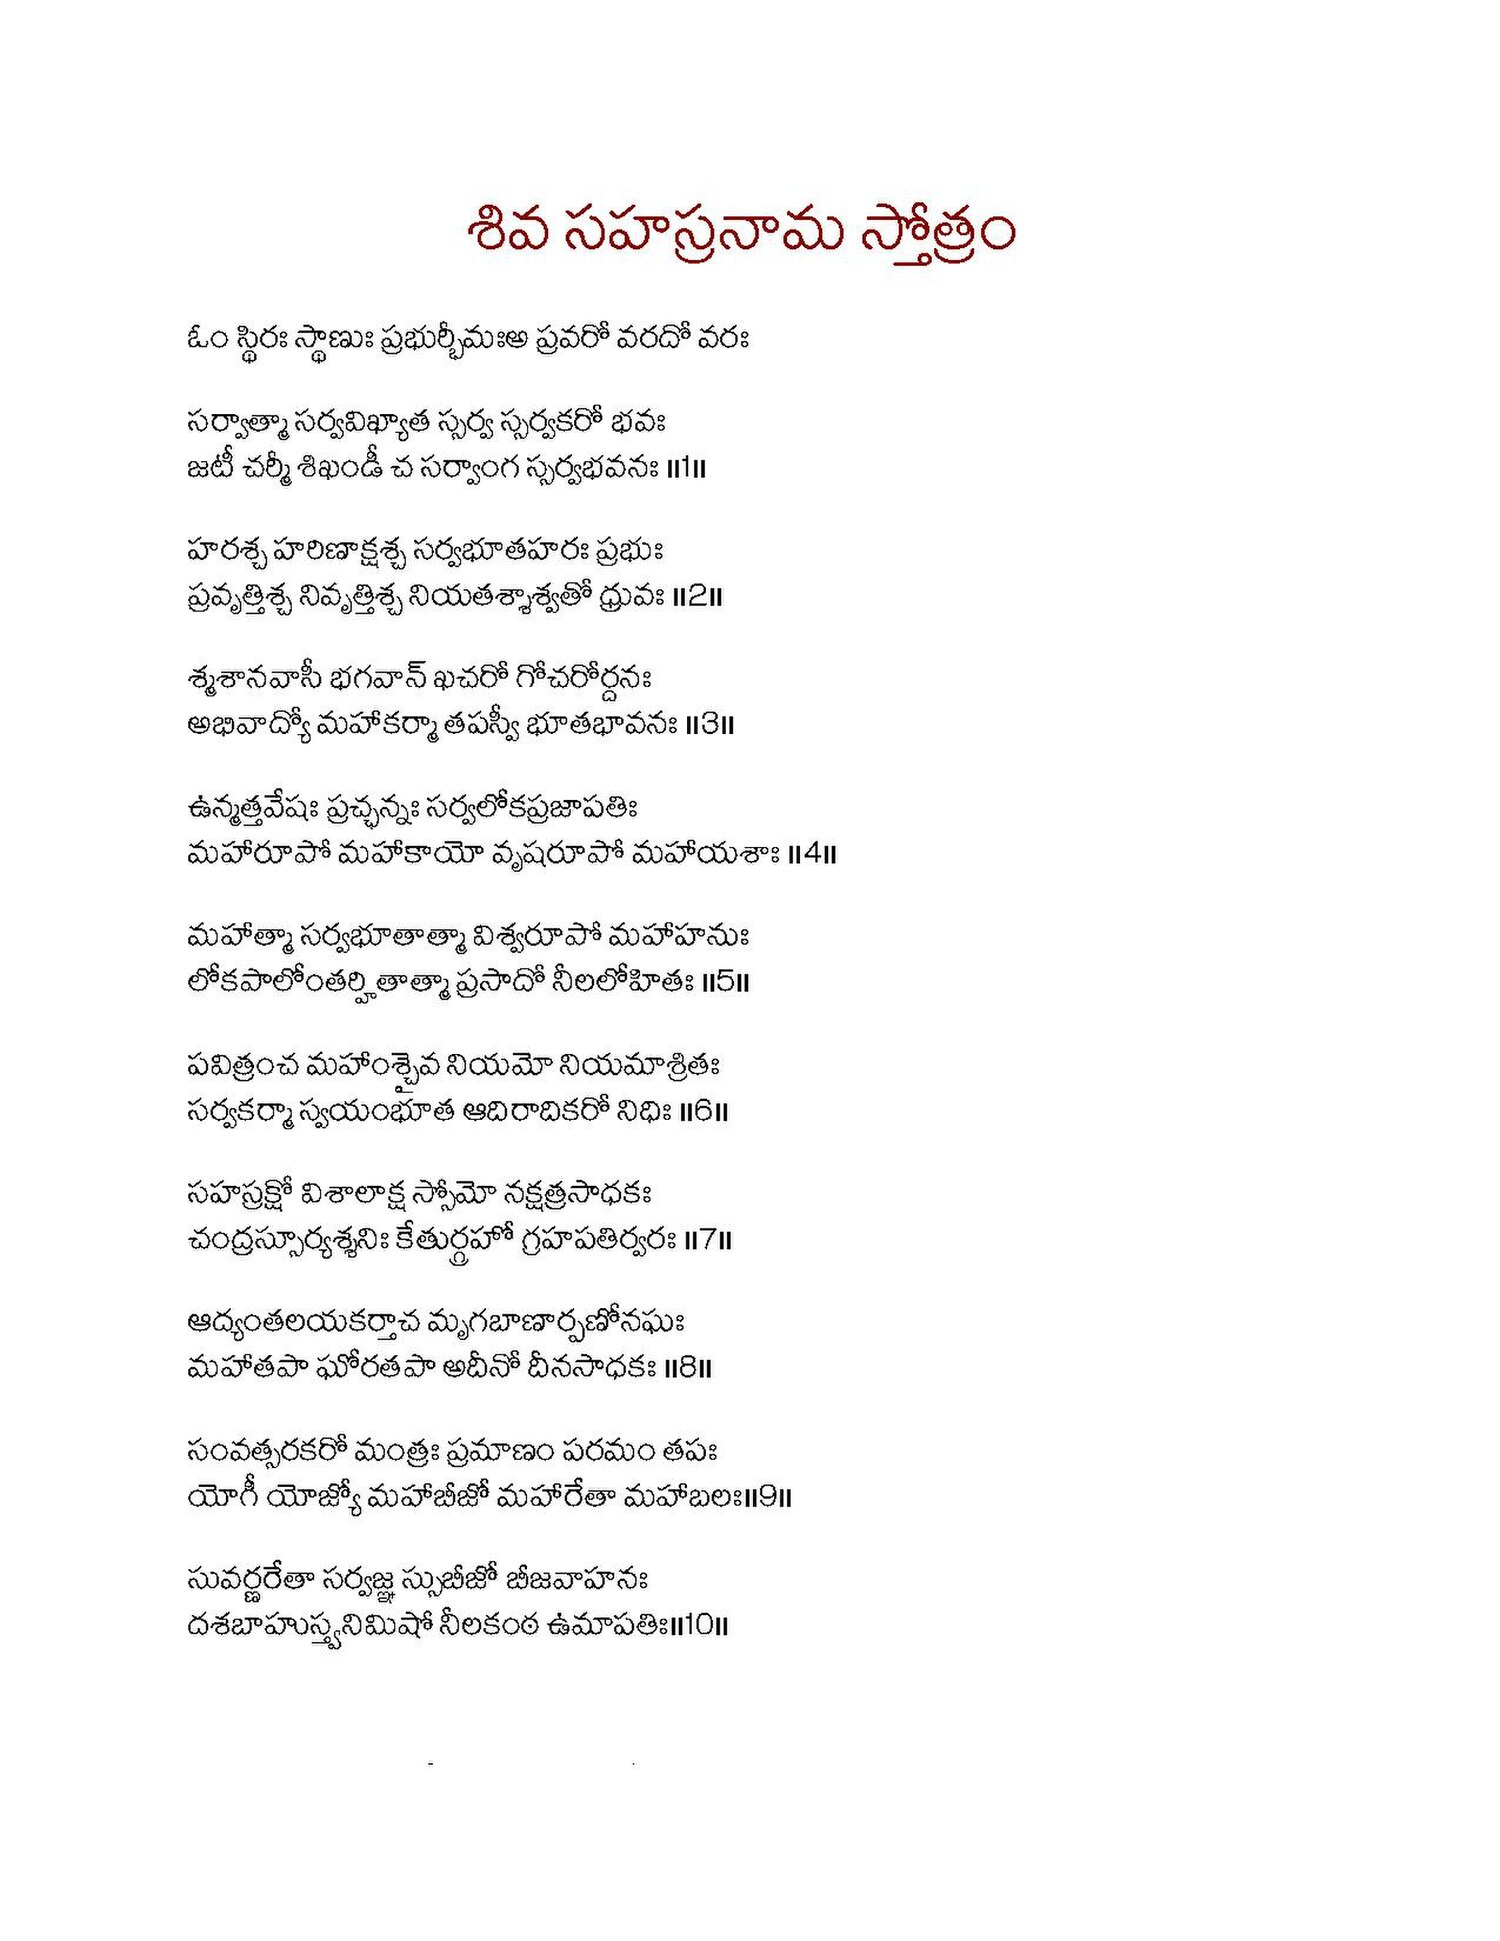ఓం స్థిరః స్థాణుః ప్రభుర్భీమః అప్రవరో వరదో వరః

సర్వాత్మా సర్వవిఖ్యాత స్సర్వ స్సర్వకరో భవః
జటీ చర్మీ శిఖండీ చ సర్వాంగ స్సర్వభవనః ||1||

హరశ్చ హరిణాక్షశ్చ సర్వభూతహరః ప్రభుః
ప్రవృత్తిశ్చ నివృత్తిశ్చ నియత శ్శాశ్వతో ధ్రువః ||2||

శ్మశానవాసీ భగవాన్ ఖచరో గోచరోర్దనః
అభివాద్యో మహాకర్మా తపస్వీ భూతభావనః ||3||

ఉన్మత్తవేషః ప్రచ్ఛన్నః సర్వలోకప్రజాపతిః
మహారూపో మహాకాయో వృషరూపో మహాయశాః ||4||

మహాత్మా సర్వభూతాత్మా విశ్వరూపో మహాహనుః
లోకపాలోంతర్హితాత్మా ప్రసాదో నీలలోహితః ||5||

పవిత్రంచ మహాంశ్చైవ నియమో నియమాశ్రితః
సర్వకర్మాస్వయంభూత ఆదిరాదికరో నిధిః ||6||

సహస్రక్షో విశాలాక్ష స్సోమో నక్షత్రసాధకః
చంద్రస్సూర్యశ్శనిః కేతుర్గ్రహో గ్రహపతిర్వరః || 7 ||

ఆద్యంతలయకర్తాచ మృగబాణార్పణోనఘః
మహాతపా ఘోరతపా అదీనో దీనసాధకః ||8||

సంవత్సరకరో మంత్రః ప్రమాణం పరమం తపః
యోగీ యోజ్యో మహాబీజో మహారేతా మహాబలః ||9||
S
సువర్ణరేతా సర్వజ్ఞ స్సుబీజో బీజవాహనః
దశబాహుస్త్వనిమిషో నీలకంఠ ఉమాపతిః|| 10 ||